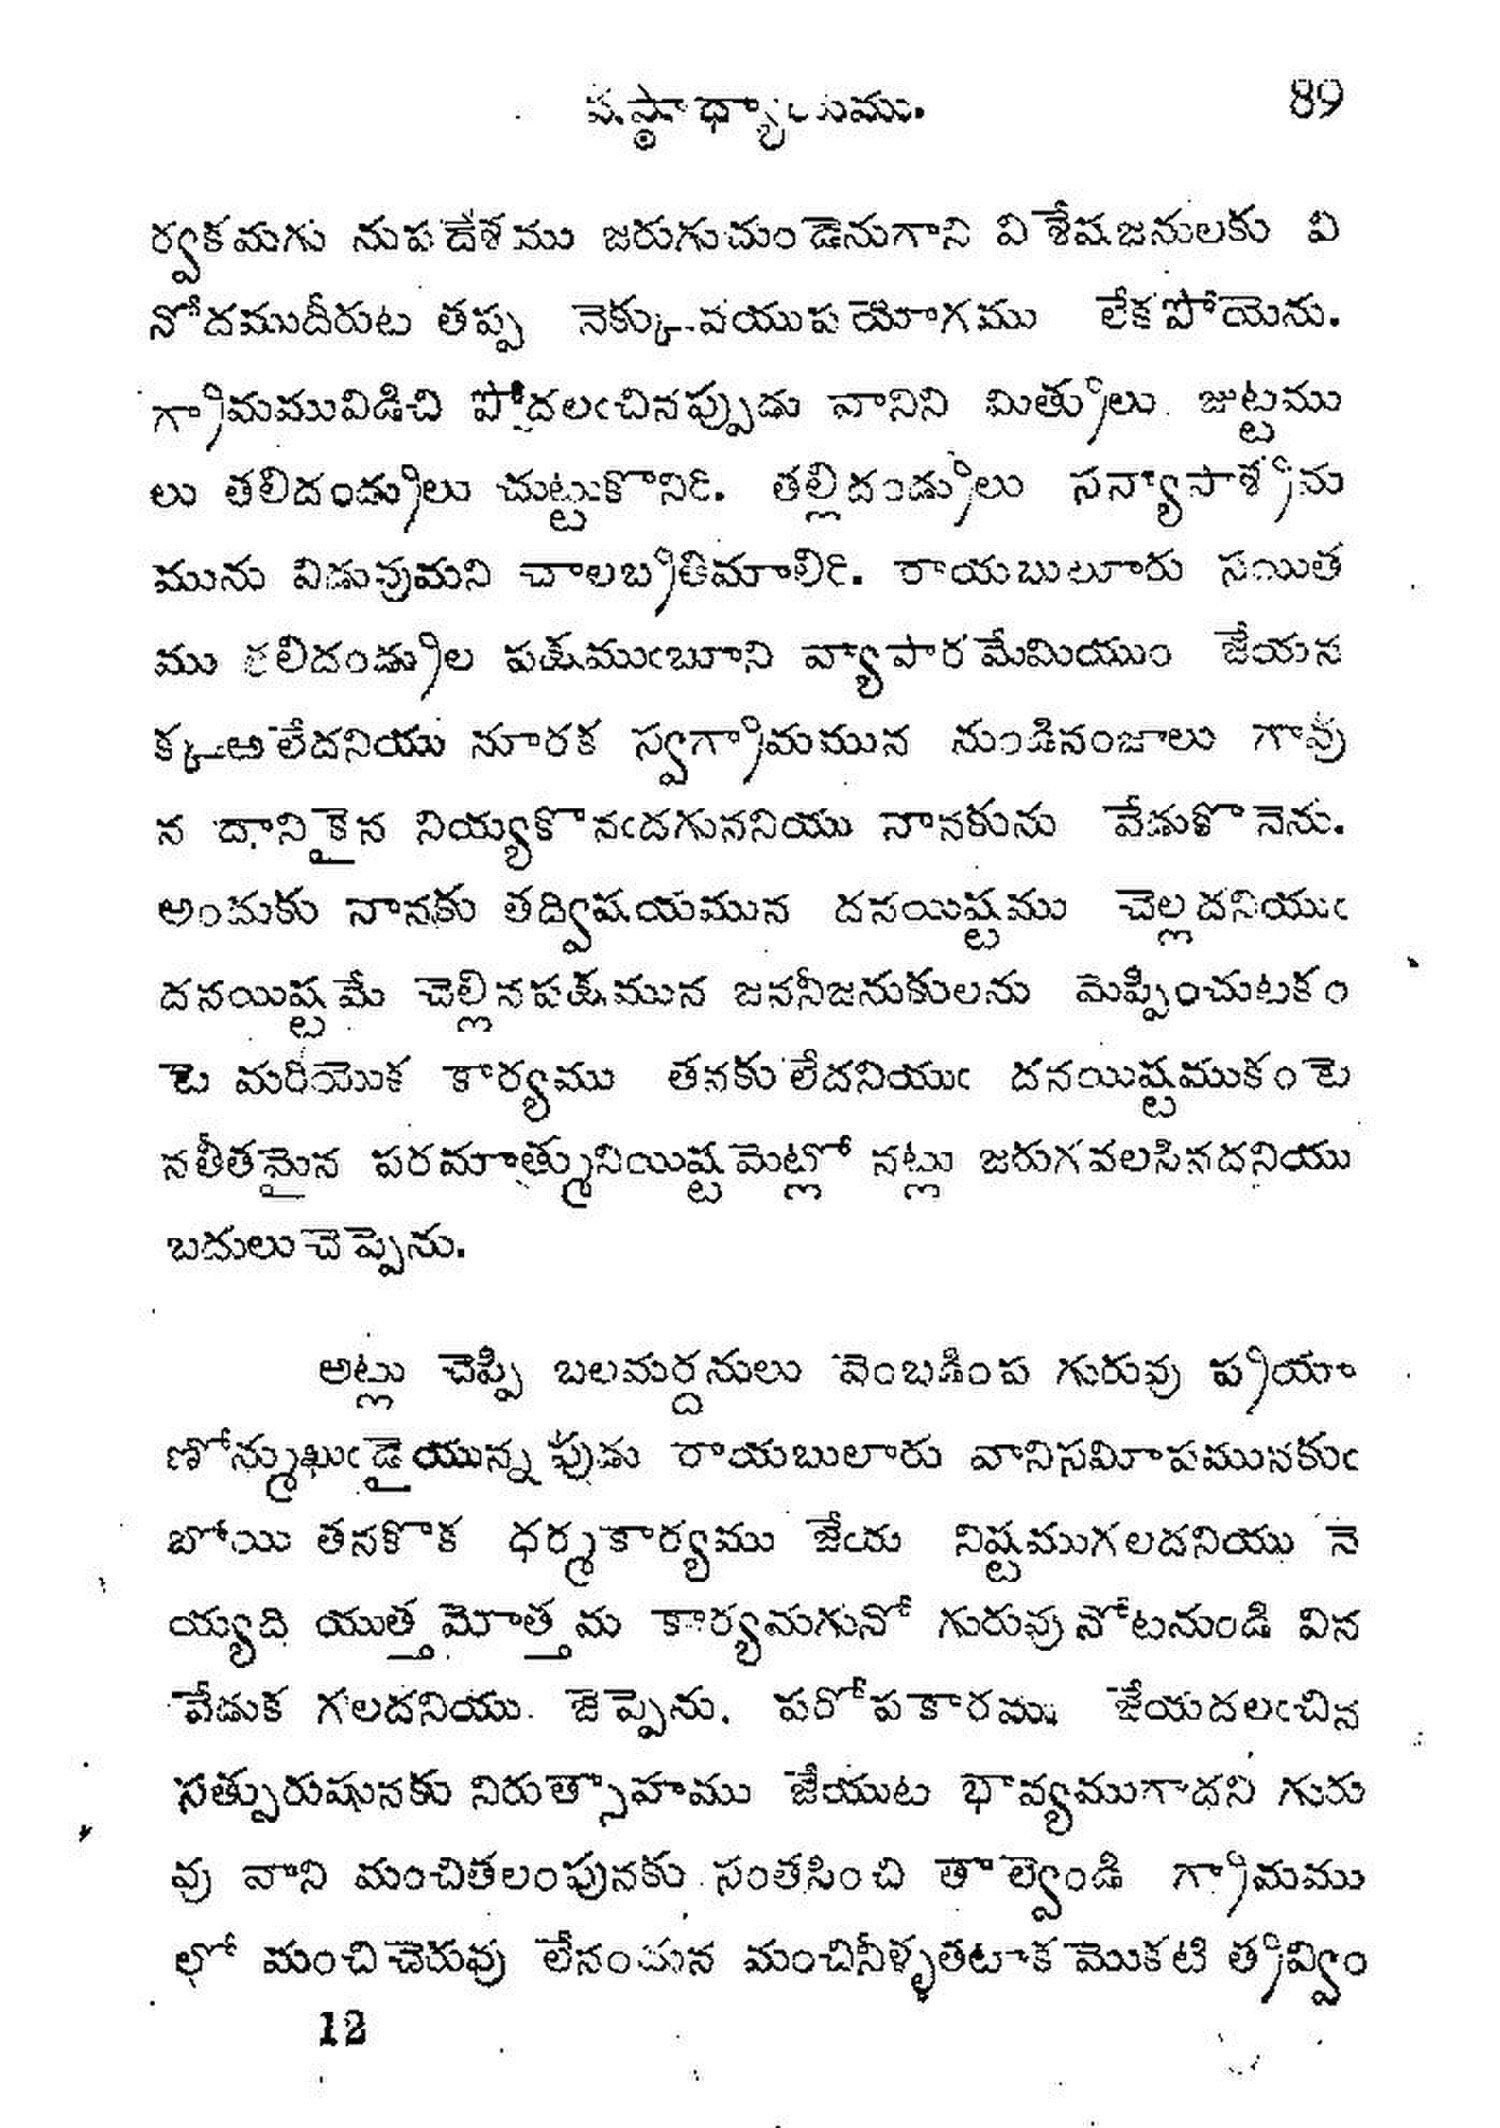ర్వకమగు నుపదేశము జరుగుచుండెనుగాని విశేషజనులకు వినోదముదీరుట తప్ప నెక్కువయుపయోగము లేకపోయెను. గ్రామమువిడిచి పోదలచినప్పుడు వానిని మిత్రులు జుట్టములు తలిదండ్రులు చుట్టుకొనిరి. తల్లిదండ్రులు సన్యాసాశ్రమమును విడువుమని చాలబ్రతిమాలిరి. రాయబులూరు సయితము తలిదండ్రుల పక్షముబూని వ్యాపారమేమియుం జేయనక్కఱలేదనియు నూరక స్వగ్రామమున నుండినంజాలు గావున దానికైన నియ్యకొనదగుననియు నానకును వేడుకొనెను. అందుకు నానకు తద్విషయమున దనయిష్టము చెల్లదనియు దనయిష్టమే చెల్లినపక్షమున జననీజనుకులను మెప్పించుటకంటె మరియొక కార్యము తనకు లేదనియు దనయిష్టముకంటె నతీతమైన పరమాత్మునియిష్టమెట్లో నట్లు జరుగవలసినదనియు బదులుచెప్పెను.

అట్లు చెప్పి బలమర్దనులు వెంబడింప గురువు ప్రయాణోన్ముఖుడైయున్నపుడు రాయబులారు వానిసమీపమునకు బోయి తనకొక ధర్మకార్యము జేయ నిష్టముగలదనియు నెయ్యది యుత్తమోత్తమ కార్యమగునో గురువు నోటనుండి విన వేడుక గలదనియు జెప్పెను. పరోపకారము జేయదలచిన సత్పురుషునకు నిరుత్సాహము జేయుట భావ్యముగాదని గురువు వాని మంచితలంపునకు సంతసించి తాల్వెండి గ్రామములో మంచిచెరువు లేనందున మంచినీళ్ళతటాక మొకటి త్రవ్విం